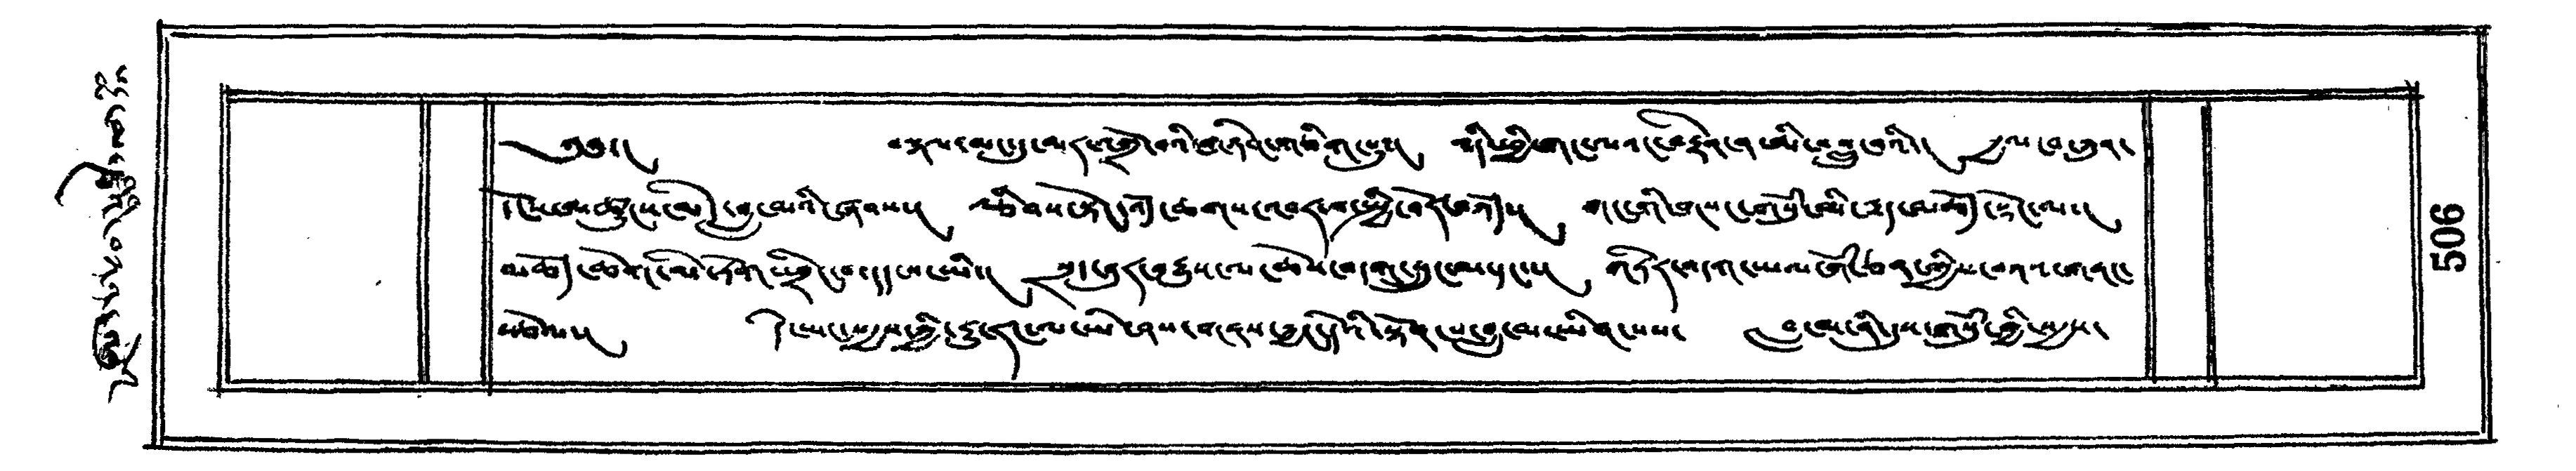བསྐལ་མང་དུ་མར་འགྲོ་བའི་གཉེན་གཅིག་པུ། །འདི་ཕྱི་གང་ལའང་བརྟེན་ན་མི་བསླུ་བའི། །རྒྱལ་བ་ཀུན་
དངོས་མཚུངས་མེད་བླ་མའི་ཞབས། །རྩིབས་སྟེང་འོད་ཆགས་བར་བ་སྤྱི་བོར་བཀོད། །གང་གི་གསང་གསུམ་མི་ཟད་མཆོད་སྡོང་ལ། །
མཆོད་ཆོག་མེ་ཏོག་ཕྲེང་བ་དད་པ་ཡི། །སྲད་བུར་བརྒྱུས་ལ་ཆོས་བདག་སྲུང་མ་དང་། །གཏེར་བདག་ཡལ་གམ་ཅན་གྱིས་བཀའ་གནང་
སྩོལ། དེ་ཡང་སངས་རྒྱས་ཀྱི་རྒྱུ་རང་ལ་ཡེ་ནས་གནས་ཀྱང་དེའི་སྟོན་པ་བླ་མ་ཡིན་པས། བླ་མ་ནི་དུས་གསུམ་གྱི་སངས་རྒྱས་